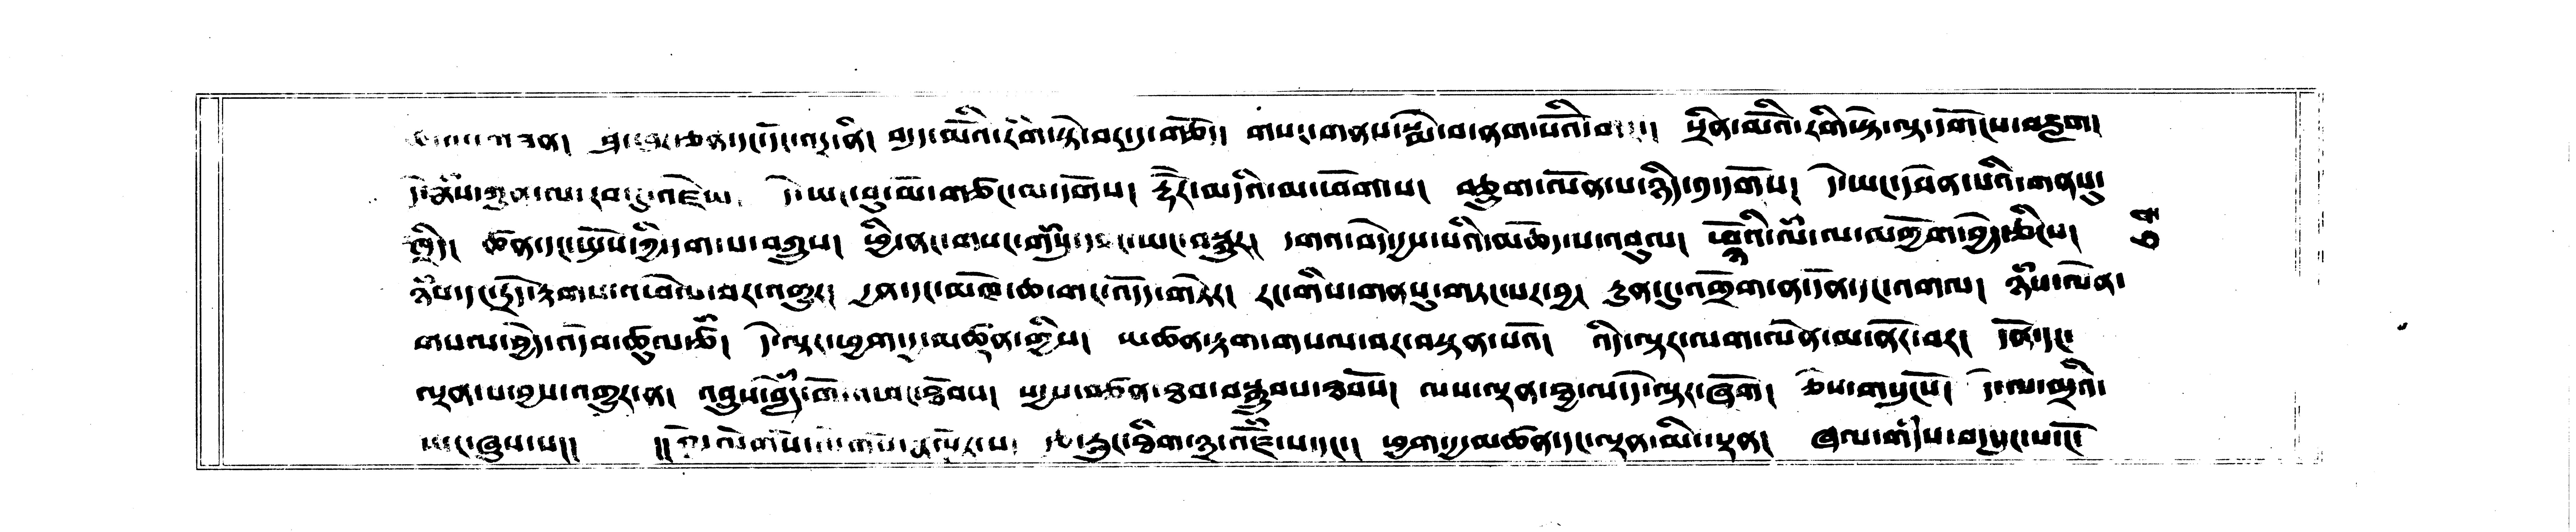ཚེ་ལ་གཟན། ཤ་ཕུར་ཅན་དང་དོང་འདྲ་ནི། བདུད་མོའི་རིགས་ཏེ་བར་དུ་གཅོད། གསང་གནས་སྨེ་བ་ནག་པོས་གང་། སྲིན་མོའི་རིགས་ཏེ་ལྟ་དགོངས་བརླག 
དེ་རྣམས་ཀུན་ལ་རབ་ཏུ་མཛེས། དེ་ཡང་བུ་མོ་གཙང་མ་དགོས། རྡོ་རྗེ་མདའ་ཡིས་མ་ཕོག་པ། བཅུ་དྲུག་ལོན་པ་ཉིད་ཅིག་དགོས། དེ་ཡང་དབེན་པའི་གནས་སུ་
ཁྲིད། ཚན་དང་སྤོས་ཀྱིས་དག་པར་བཀྲུས། ཕྱི་ནང་གསང་གསུམ་དབང་ཡང་བསྐུར། དགའ་བདེ་རྒྱས་པའི་མཆོད་པ་འབུལ། ཕོ་ཉའི་ལམ་ལ་མགྱོགས་བྱེད་ཅིང་། 
ཉམས་དང་དྲོད་རྟགས་འཕེལ་བར་འགྱུར། རྒྱན་དང་མཁོ་ཆ་གང་འདོད་སྟེར། རང་གི་གནས་སུ་བཏགས་པར་བྱ། རྒྱུན་དུ་འགྲོགས་ན་དོན་དང་འགལ། ཉམས་ལེན་
གསལ་བྱེད་འདེབས་ཚུལ་ཙམ། དེ་ལྟར་ཕྱག་རྒྱ་མཚན་ལྡན་གྱིས། མཚན་རྟགས་གསལ་བར་བསྟན་པའོ། །འདིར་ལྟར་ལག་ལེན་མ་ནོར་བར། དོན་དང་
ལྡན་པ་བྱས་གྱུར་ན། འབྲས་བུ་བླ་མེད་གོ་འཕང་ཐོབ། སངས་རྒྱས་བཙན་ཐབས་སྒྲུབ་ཐབས་སོ། ལས་ལྡན་ཐུགས་ལ་དེ་ལྟར་ཞོག ཅེས་གསུངས་སོ། དེ་ལ་མཁའ་འགྲོས་
ཡང་ཞུས་པ། ཀྱེ་ལེགས་སོ་ལེགས་སོ་རྣལ་འབྱོར་པ། རྩ་རླུང་ཐིག་གསུམ་འཛོམས་པ་དང་། ཕྱག་རྒྱ་མཚན་དང་ལྡན་མི་ལྡན། ཞལ་གདམས་གསུངས་པ་ངོ་